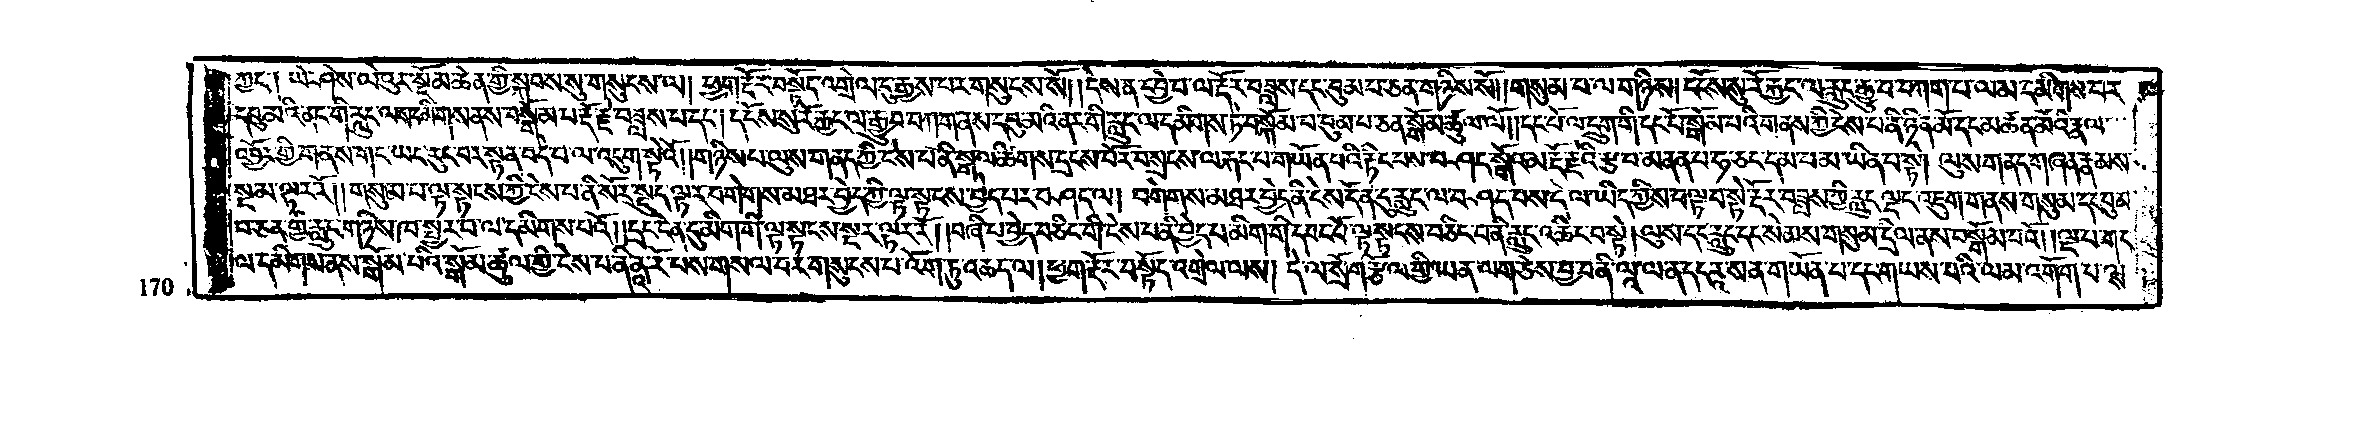ཀྱང་། ཡེ་ཤེས་ལེའུར་སྡོམ་ཆེན་གྱི་སྐབས་སུ་གསུངས་ལ། ཕྱག་རྡོར་བསྟོད་འགྲེལ་དུ་རྒྱས་པར་གསུངས་སོ། །དེས་ན་དབྱེ་བ་ལ་རྡོར་བཟླས་དང་བུམ་པ་ཅན་གཉིས་སོ། །གསུམ་པ་ལ་གཉིས། དངོས་སུ་རོ་རྐྱང་ལ་རླུང་རྒྱུ་བ་བཀག་པ་ལམ་དམིགས་པར་
དབུ་མའི་ནང་གི་རླུང་ལས་དམིགས་ནས་བསྒོམ་པ་རྡོ་རྗེ་བཟླས་པ་དང་། དངོས་སུ་རོ་རྐྱང་ལ་རྒྱུབ་བཀག་ནས་དབུ་མའི་ནང་གི་རླུང་ལ་དམིགས་ཏེ་བསྐོམ་པ་བུམ་པ་ཅན་སྒོམ་ཚུལ་ལོ། །དང་པོ་ལ་དྲུག་གི་དང་པོ་སྒོམ་པའི་གནས་ཀྱི་ངེས་པ་ནི་ཉིན་མོ་དང་མཚན་མོའི་རྣལ་
འབྱོར་གྱི་གནས་གང་ཡང་རུང་བར་སྟན་བདེ་བ་ལ་འདུག་སྟེའོ། །གཉིས་པ་ལུས་གནད་ཀྱི་ངེས་པ་ནི་སྒལ་ཚིགས་དྲངས་པོར་བསྲངས་ལ་རྐང་པ་གཡོན་པའི་རྟིང་པས་བཤད་སྒོའམ་རྡོ་རྗེའི་རྩ་བ་མནན་པ་ཧ་ཅང་དམ་པ་མ་ཡིན་པ་སྟེ། ལུས་གནད་གཞན་རྣམས་
སྔ་མ་ལྟར་རོ། །གསུམ་པ་ལྟ་སྟངས་ཀྱི་ངེས་པ་ནི་སོར་སྡུད་ལྟར་བགེགས་མཐར་བྱེད་ཀྱི་ལྟ་སྟངས་བྱེད་པར་བཤད་ལ། བགེགས་མཐར་བྱེད་ནི་ངེས་དོན་དུ་རླུང་ལ་བཤད་པས་དེ་ལ་ཡིད་ཀྱིས་བལྟ་བ་སྟེ་རྡོར་བཟླས་ཀྱི་རླུང་ལྡང་འཇུག་གནས་གསུམ་དང་བུམ་
པ་ཅན་གྱི་རླུང་གཉིས་ཁ་སྦྱར་བ་ལ་དམིགས་པའོ། །དྲང་ངེན་དུ་མིག་གི་ལྟ་སྟངས་སྔར་ལྟར་རོ། །བཞི་པ་བྱེད་བཅིང་གི་ངེས་པ་ནི་བྱེད་པ་མིག་གི་དབང་པོ་ལྟ་སྟངས་བཅིང་པ་ནི་རླུང་འཆིང་བ་སྟེ། ལུས་དང་རླུང་དང་སེམས་གསུམ་དྲིལ་ནས་བསྒོམ་པའོ། །ལྔ་པ་གང་
ལ་དམིགས་ནས་སྒོམ་པའི་སྒོམ་ཚུལ་གྱི་ངེས་པ་ནི་ནཱ་རོ་པས་གསལ་བར་གསུངས་པ་འོག་ཏུ་འཆད་ལ། ཕྱག་རྡོར་བསྟོད་འགྲེལ་ལས། དེ་ལ་སྲོག་རྩོལ་གྱི་ཡན་ལག་ཅེས་བྱ་བ་ནི་ལཱ་ལ་ན་དང་རཱ་ས་ན་གཡོན་པ་དང་གཡས་པའི་ལམ་འགོག་པ་ལས་